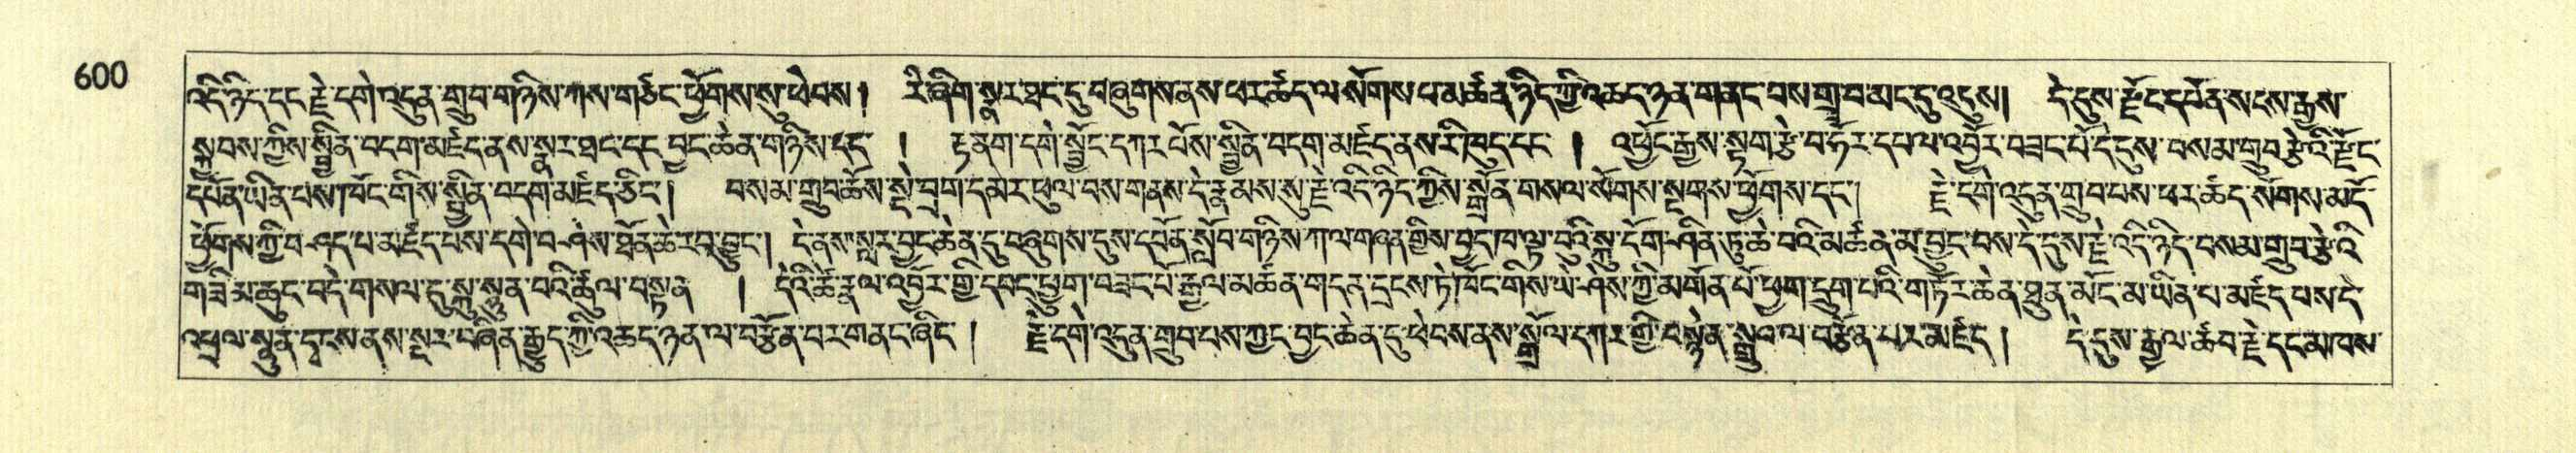འདི་ཉིད་དང་རྗེ་དགེ་འདུན་གྲུབ་གཉིས་ཀས་གཙང་ཕྱོགས་སུ་ཕེབས། རི་ཞིག་སྣར་ཐང་དུ་བཞུགས་ནས་ཕར་ཚད་ལ་སོགས་པ་མཚན་ཉིད་ཀྱི་འཆད་གནང་བས་གྲྭ་བ་མང་དུ་འདུས། དེ་དུས་རྫོང་དཔོན་སངས་རྒྱས་
སྐྱབས་ཀྱིས་སྦྱིན་བདག་མཛད་ནས་སྣར་ཐང་དང་བྱང་ཆེན་གཉིས་དང་། རྟ་ནག་དགེ་སྦྱོང་དཀར་པོས་སྦྱིན་བདག་མཛད་ནས་རི་ཁུད་དང་། འཕྱོང་རྒྱས་སྟག་རྩེ་བ་ཧོར་དཔལ་འབྱོར་བཟང་པོ་དེ་དུས་བསམ་གྲུབ་རྩེའི་རྫོང་
དཔོན་ཡིན་པས་ཁོང་གིས་སྦྱིན་བདག་མཛད་ཅིང་། བསམ་གྲུབ་ཆོས་སྡེ་བྲག་དམར་ཕུལ་བས་གནས་དེ་རྣམས་སུ་རྗེ་འདི་ཉིད་ཀྱིས་སྒྲོན་གསལ་སོགས་སྔགས་ཕྱོགས་དང་། རྗེ་དགེ་འདུན་གྲུབ་པས་ཕར་ཚད་སོགས་མདོ་
ཕྱོགས་ཀྱི་བཤད་པ་མཛད་པས་དགེ་བཤེས་ཐོན་ཆེ་རབ་བྱུང་། དེ་ནས་སླར་བྱང་ཆེན་དུ་བཞུགས་དུས་དཔོན་སློབ་གཉིས་ཀ་ལ་གཞན་གྱིས་བྱང་ཁ་ལྟ་བུའི་སྐུ་དོག་ཤིན་ཏུ་ཆེ་བའི་མཚན་མ་བྱུང་བས་དེ་དུས་རྗེ་འདི་ཉིད་བསམ་གྲུབ་རྩེའི་
གཟིམ་ཆུང་བདེ་གསལ་དུ་སྐུ་སྙུན་བའི་ཚུལ་བསྟན་། དེའི་ཚེ་རྣལ་འབྱོར་གྱི་དབང་ཕྱུག་བཟང་པོ་རྒྱལ་མཚན་གདན་དྲངས་ཏེ་ཁོང་གིས་ཡེ་ཤེས་ཀྱི་མགོན་པོ་ཕྱག་དྲུག་པའི་གཏོར་ཆེན་ཐུན་མོང་མ་ཡིན་པ་མཛད་པས་དེ་
འཕྲལ་སྙུན་དྭངས་ནས་སྔར་བཞིན་རྒྱུད་ཀྱི་འཆད་ཉན་ལ་བརྩོན་པར་གནང་ཞིང་། རྗེ་དགེ་འདུན་གྲུབ་པས་ཀྱང་བྱང་ཆེན་དུ་ཕེབས་ནས་སྒྲོལ་དཀར་གྱི་བསྙེན་སྒྲུབ་ལ་བརྩོན་པར་མཛད། དེ་དུས་རྒྱལ་ཚབ་རྗེ་དང་མཁས་